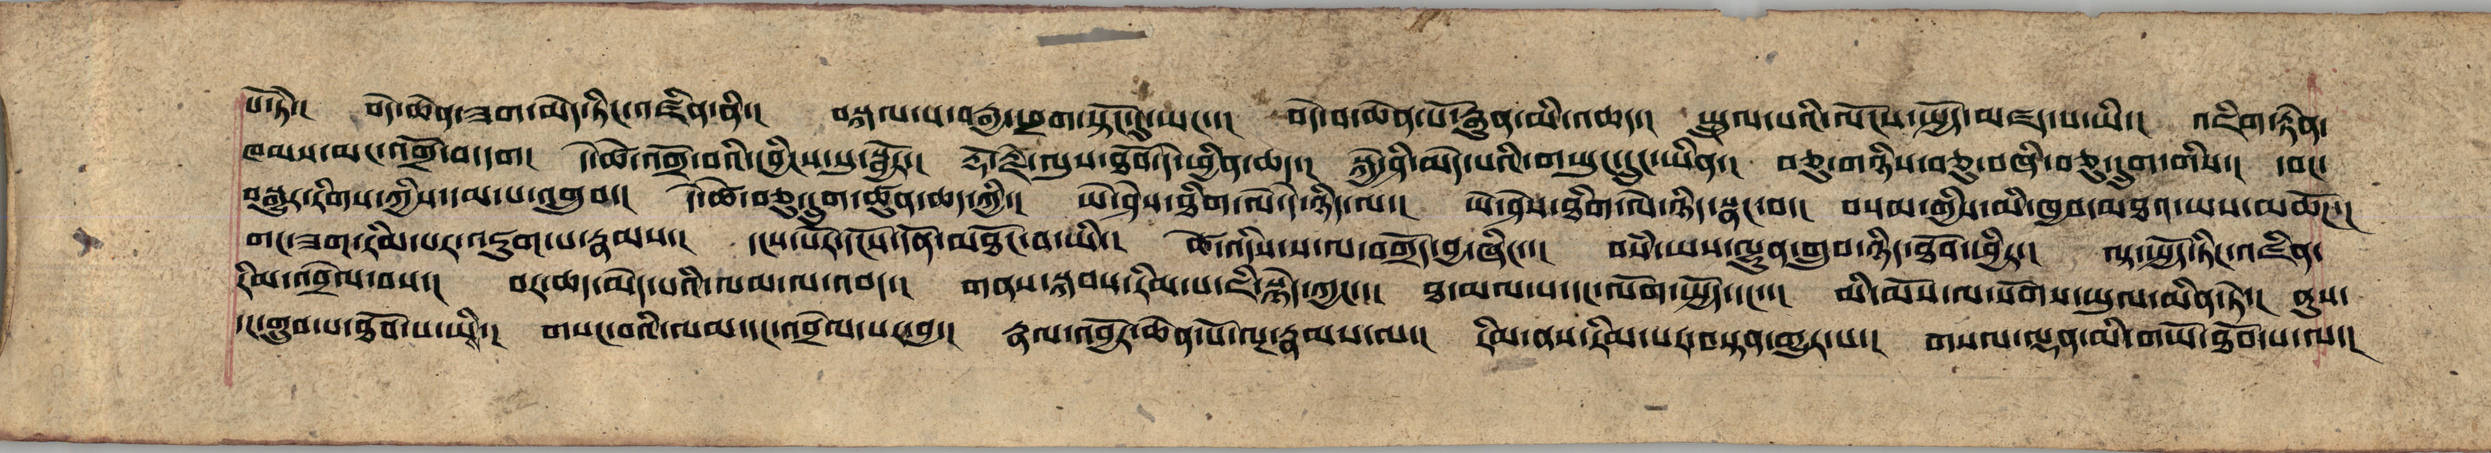པོ་ཏེ་། བདེ་ཆེན་ཟག་མེད་ཏིང་འཛིན་ནི་། བསྐལ་པ་བརྒྱ་ཕྲག་སྟོང་དུ་ཡང་་། བདེ་བ་ཆེན་པོ་རྒྱུན་མི་འཆད་། སྤྲུལ་པའི་ལོངས་སྤྱོད་མཛད་པ་ཡི་། འཇིག་རྟེན་
ཁམས་མང་འགྲོ་བ་དག་། དེ་ཚེ་འགྲོ་བའི་དབྱིངས་སུ་སྦྱོར་། རྡོ་རྗེ་ལུས་ཐོབ་དེ་ཕྱིན་ཆད་། སྐྱེ་ཤི་མེད་པའི་གཡུང་དྲུང་ཡིན་། བཅུ་གཉིས་བཅུ་བཞི་བཅུ་དྲུག་གིས་། དབང་
བསྒྱུར་རིགས་ཀྱིས་དམ་པ་འགྲུབ་། དེ་ཚེ་བཅུ་དྲུག་ཚུན་ཆད་ཀྱི་། ཡེ་ཤེས་ཐིག་ལེ་དེ་ཉིད་ལ་། ཡེ་ཤེས་ཐིག་ལེ་ཉིད་སྣང་བ་། བསམ་གྱིས་མི་ཁྱབ་མཐའ་ཡས་མཆོཌ་།
གང་ཟག་རིམ་པར་འཇུག་པ་རྣམས་། དངས་པོར་དངོས་དོན་མཐོང་བ་ཡི་། ཚེ་འདིས་ས་ལ་བགྲོད་བྱ་ཞིང་་། བསཾ་ཡས་ལྷུན་གྲུབ་ཉིད་ཐོབ་ཕྱིར་། ལྟ་སྤྱོད་ཏིང་འཛིན་
རིམ་འབྲེལ་བས་། བར་ཆད་མེད་པའི་ལམ་ལ་འབད་། གནས་སྐབས་རིམ་པ་ཇི་སྙེད་ཀྱང་་། ཐ་མལ་པ་དང་ལོག་སྤྱོད་དང་་། མི་མོས་ལ་སོགས་ཡུལ་མིན་ཏེ་། ནུས་
དང་གྲུབ་པ་ཐོབ་པ་ཡིས་། གསང་བའི་ལམ་དང་འབྲེལ་པར་བྱ་། རྣལ་འབྱོར་ཆེན་པོ་ལྔ་རྣམས་ལ་། རིམ་ནས་རིམ་པར་བསྟན་གྱུར་པ་། གསལ་ལྡན་མི་གཡོ་ཐོབ་པ་ལ་།